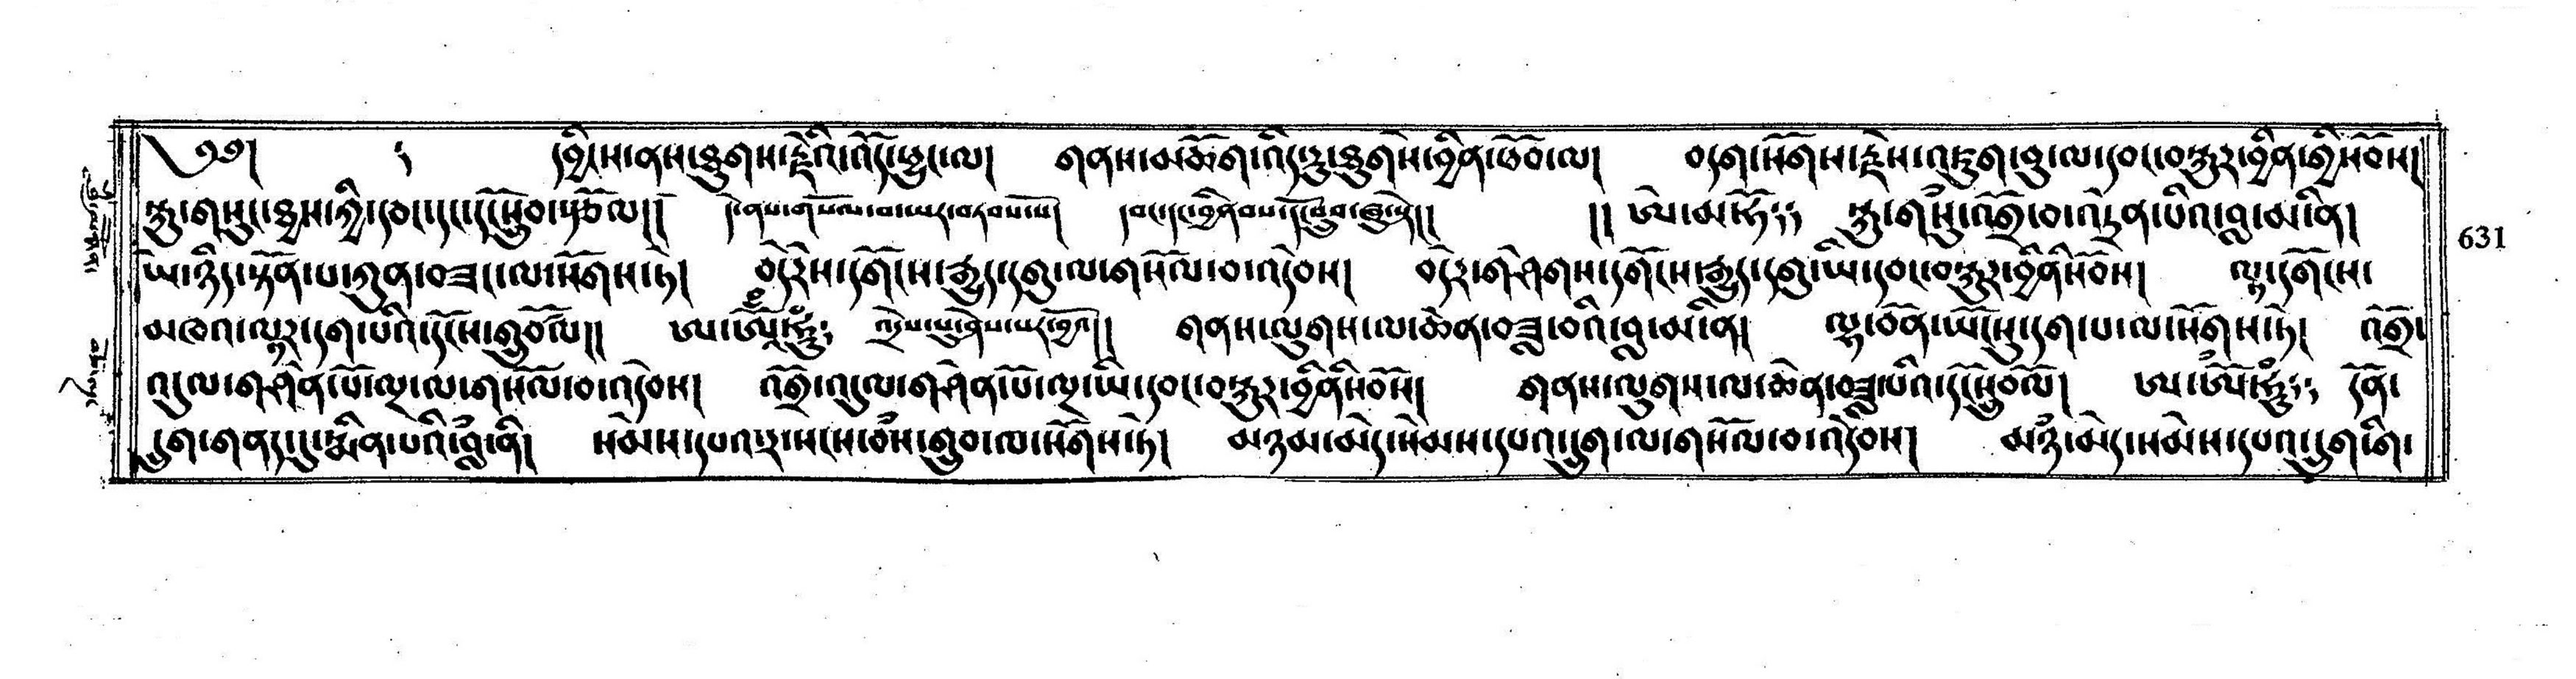དབྱིངས་ནས་ཐུགས་རྗེའི་འོད་ཕྱུང་ལ། གནས་མཆོག་འདི་རུ་ཐུགས་རྗེ་བྱིན་ཕོབ་ལ། བདག་སོགས་རྗེས་འཇུག་བུ་ལ་དབང་བསྐུར་བྱིན་གྱིས་རློབས། 
སྐུ་གསུང་ཐུགས་ཀྱི་དབང་དང་དངོས་གྲུབ་སྩོལ།། དེ་ནས་གསོལ་བ་ཡར་བཏབས་སོ། དབང་དང་བྱིན་གྱིས་རླབས་དངོས་གྲུབ་ཞུ་སྟེ།། །།ཨེ་མ་ཧོ།། སྐུ་གསུམ་འགྲོ་བ་འདྲེན་པའི་བླ་མ་ནི། 
ཡེ་ཉིད་སྟོན་པ་ཀུན་བཟང་ལ་སོགས་ཏེ། བདེར་གཤེགས་དགོངས་རྒྱུད་དགུ་ལ་གསོལ་བ་འདེབས། བདེར་གཤེགས་དགོངས་རྒྱུད་དགུ་ཡི་དབང་བསྐུར་བྱིན་གྱིས་རློབས། ལྟ་དགོངས་
མཁའ་ལྟར་དག་པའི་དངོས་གྲུབ་སྩོལ།། ཨ་ཨཱོཾ་ཧཱུྃ། འདྲེས་སུ་ཤེས་པར་བྱའོ།། གནས་ལུགས་ལ་ཆེན་བཟླ་བའི་བླ་མ་ནི། ལྷ་བོན་ཡོངས་སུ་དག་པ་ལ་སོགས་ཏེ། འགྲོ་
འདུལ་གཤེན་པོ་ལྔ་ལ་གསོལ་བ་འདེབས། འགྲོ་འདུལ་གཤེན་པོ་ལྔ་ཡི་དབང་བསྐུར་བྱིན་གྱིས་རློབས། གནས་ལུགས་ལ་ཆེན་བཟླ་བའི་དངོས་གྲུབ་སྩོལ། ཨ་ཨཱོཾ་ཧཱུཾ།། དོན་
དྲུག་གནད་དུ་སྨིན་པའི་བླ་མ་ནི། སེམས་དཔའ་ར་སངས་བསམ་གྲུབ་ལ་སོགས་ཏེ། མཉམ་མེད་སེམས་དཔའ་དྲུག་ལ་གསོལ་བ་འདེབས། མཉམ་མེད་སེམས་དཔའ་དྲུག་གི་